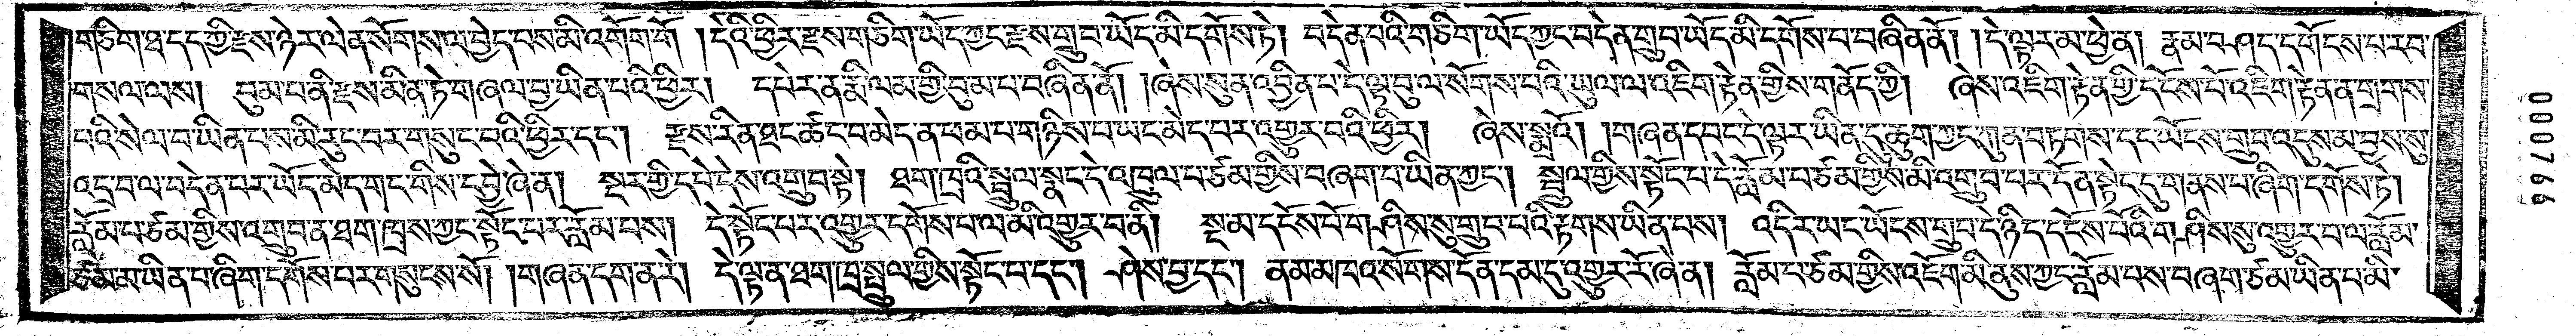གཅིག་ཐ་དད་ཀྱི་རྫས་ཉེར་ལེན་སོགས་ལ་བྱེད་པས་མི་འགོག་གོ །དེའི་ཕྱིར་རྫས་གཅིག་ཡོད་ཀྱང་རྫས་གྲུབ་ཡོད་མི་དགོས་ཏེ། བདེན་པའི་གཅིག་ཡོད་ཀྱང་བདེན་གྲུབ་ཡོད་མི་དགོས་པ་བཞིན་ནོ། །དེ་ལྟར་མ་ཕྱེ་ན། རྣམ་བཤད་དགོངས་པ་རབ་
གསལ་ལས། བུམ་པ་ནི་རྫས་མིན་ཏེ་གཞལ་བྱ་ཡིན་པའི་ཕྱིར། དཔེར་ན་རྨི་ལམ་གྱི་བུམ་པ་བཞིན་ནོ། །ཞེས་སུན་འབྱིན་པ་དེ་ལྟ་བུ་ལ་སོགས་པའི་ཡུལ་ལ་འཇིག་རྟེན་གྱིས་གནོད་ཀྱི། ཞེས་འཇིག་རྟེན་གྱི་དངོས་པོ་འཇིག་རྟེན་ན་གྲགས་
པའི་སེལ་བ་ཡིན་པས་མི་རུང་བར་གསུང་བའི་ཕྱིར་དང་། རྫས་རིན་ཐང་ཚང་བ་མེད་ན་ཕམ་པ་གཉིས་པ་ཡང་མེད་པར་འགྱུར་བའི་ཕྱིར། ཞེས་སྨྲའོ། །གཞན་དབང་དེ་ལྟར་ཡིན་དུ་ཆུག་ཀྱང་ཀུན་བཏགས་དང་ཡོངས་གྲུབ་འདུས་མ་བྱས་སུ་
འདྲ་བ་ལ་བདེན་པར་ཡོད་མེད་གང་གིས་དབྱེ་ཞེ་ན། སྔར་གྱི་དཔེ་དེས་འགྲུབ་སྟེ། ཐག་ཁྲའི་སྦྲུལ་སྣང་དེ་འཁྲུལ་པ་ཙམ་གྱིས་བཞག་པ་ཡིན་ཀྱང་། སྦྲུལ་གྱིས་སྟོང་པ་དེ་རློམ་པ་ཙམ་གྱིས་མི་འགྲུབ་པར་དོན་སྟེང་དུ་གནས་པ་ཞིག་དགོས་ཏེ།
རློམ་པ་ཙམ་གྱིས་འགྲུབ་ན་ཐག་ཁྲས་ཀྱང་སྟོང་པར་རློམ་པས། དེ་སྟོང་པར་འགྱུར་དགོས་པ་ལ་མི་འགྱུར་བ་ནི། སྔ་མ་དངོས་པོ་གཤིས་སུ་གྲུབ་པའི་རྟགས་ཡིན་པས། འདིར་ཡང་ཡོངས་གྲུབ་དེ་ཉིད་དངོས་པོའི་གཤིས་སུ་འགྱུར་བ་ལ་རློམ་
ཙམ་མ་ཡིན་པ་ཞིག་དགོས་པར་གསུངས་སོ། །གཞན་དག་ན་རེ། དེ་ལྟ་ན་ཐག་ཁྲ་སྦྲུལ་གྱིས་སྟོང་པ་དང་། ཤེས་བྱ་དང་། ནམ་མཁའ་སོགས་དོན་དམ་དུ་འགྱུར་རོ་ཞེ་ན། རློམ་པ་ཙམ་གྱིས་འཇོག་མི་ནུས་ཀྱང་རློམ་པས་བཞག་ཙམ་ཡིན་པ་མི་